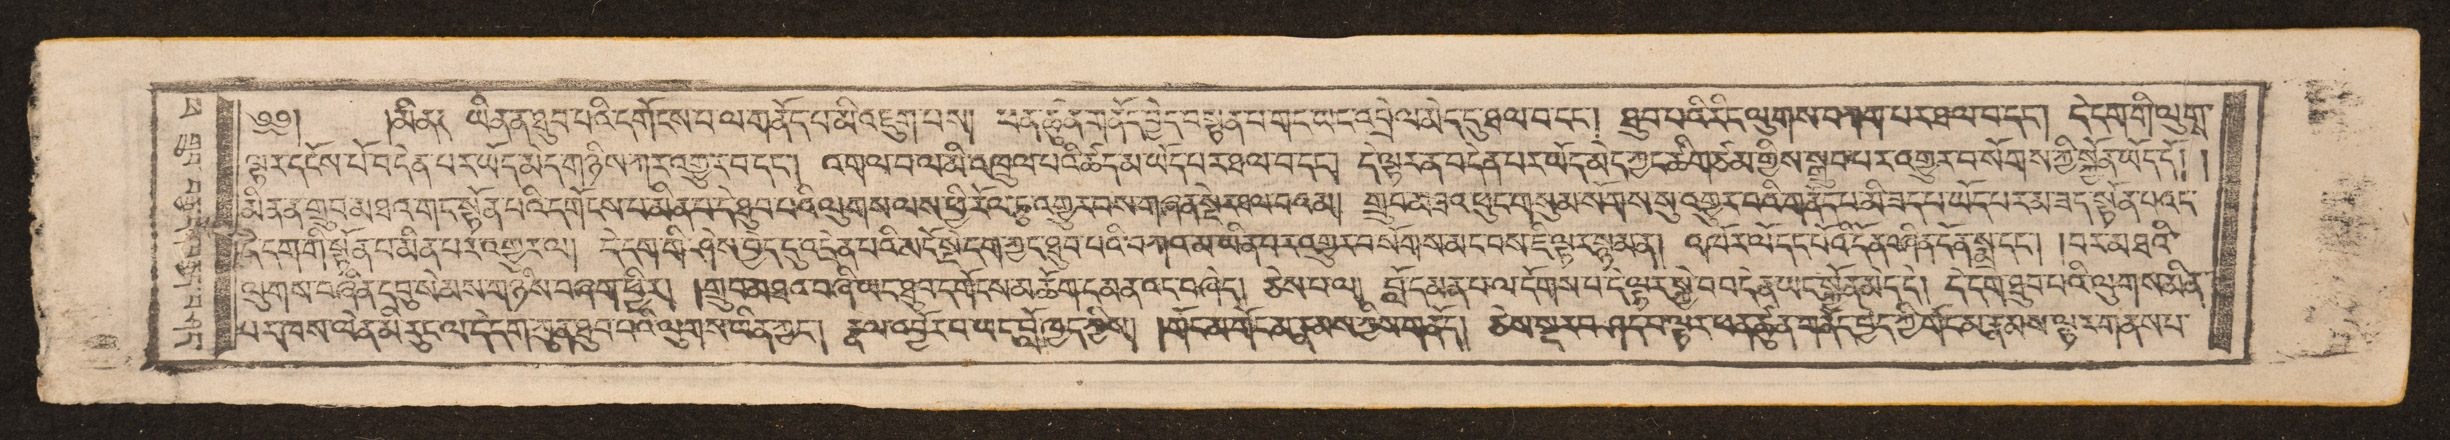༄༅། །མིན༑ ཡིན་ན་ཐུབ་པའི་དགོངས་པ་ལ་གནོད་པ་མི་འཇུག་པས། ཕན་ཚུན་གནོད་བྱེད་བསྟན་པ་གང་ཡང་འབྲེལ་མེད་དུ་ཐལ་བ་དང་། ཐུབ་པའི་རིང་ལུགས་བཀག་པར་ཐལ་བ་དང་། དེ་དག་གི་ལུགས་
ལྟར་དངོས་པོ་བདེན་པར་ཡོད་མེད་གཉིས་ཀར་འགྱུར་བ་དང་། འགལ་བ་ལ་མི་འཁྲུལ་པའི་ཚད་མ་ཡོད་པར་ཐལ་བ་དང་། དེ་ལྟར་ན་བདེན་པར་ཡོད་མེད་ཀྱང་ཚིག་ཙམ་གྱིས་སྒྲུབ་པར་འགྱུར་བ་སོགས་ཀྱི་སྐྱོན་ཡོད་དོ། །
མིན་ན་གྲུབ་མཐའ་གང་སྟོན་པའི་དགོངས་པ་མིན་པ་དེ་ཐུབ་པའི་ལུགས་ལས་ཕྱི་རོལ་ཏུ་འགྱུར་བས་གཞན་སྡེར་ཐལ་བའམ། གྲུབ་མཐའ་ཕུང་གསུམ་སོགས་སུ་འགྱུར་བའི་གནོད་པ་མི་ཟད་པ་ཡོད་པར་མ་ཟད་སྟོན་པའང་
དེ་དག་གི་སྟོན་པ་མིན་པར་འགྱུར་ལ། དེ་དག་གི་ཤེས་བྱེད་དུ་འདྲེན་པའི་མདོ་སྡེ་དག་ཀྱང་ཐུབ་པའི་བཀའ་མ་ཡིན་པར་འགྱུར་བ་སོགས་མང་བས་ཇི་ལྟར་སྟམ་ན། འཁོར་ལོ་དང་པོའི་དོན་བཞིན་དོན་སྨྲ་དང་། །བར་མཐའི་
ལུགས་བཞིན་དབུ་སེམས་གཉིས་བཞག་ཕྱིར། །གྲུབ་མཐའ་བཞི་ཡང་ཐུབ་དགོངས་མཆོག་དམན་འང་བཞེད། ཅེས་པ་ལ། བློ་དམན་པ་ལ་དོགས་པ་དེ་ལྟར་སྐྱེ་བ་བདེན་ཡང་སྐྱོན་མེད་དེ། དེ་དག་ཐུབ་པའི་ལུགས་མིན་
པར་ཁས་ལེན་མི་རུང་ལ་དེ་དག་ཀུན་ཐུབ་པའི་ལུགས་ཡིན་ཀྱང་། རྣལ་འབྱོར་པ་ཡང་བློ་ཁྱད་ཀྱིས། །གོང་མ་གོང་མ་རྣམས་ཀྱིས་གནོད། ཅེས་སྔར་བཤད་པ་ལྟར་ཕན་ཚུན་གནོད་བྱེད་ཀྱི་གོང་མ་རྣམས་ལྟར་གནས་པ་